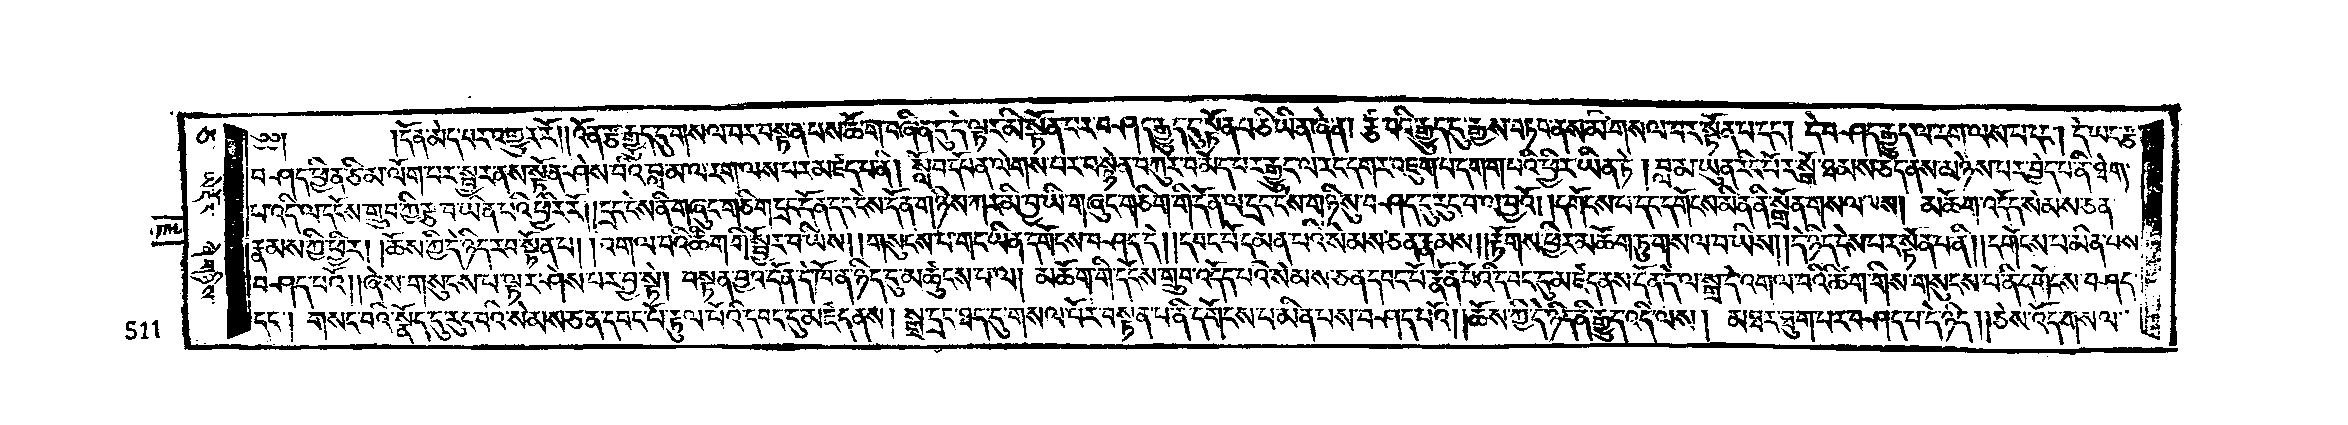༄༅། །དོན་མེད་པར་འགྱུར་རོ། །འོ་ན་རྩ་རྒྱུད་དུ་གསལ་བར་བསྟན་པས་ཆོ་ག་བཞིན་དུ་དེ་ལྟར་མི་སྟོན་པར་བཤད་རྒྱུད་དུ་སྟོན་པ་ཅི་ཡིན་ཞེ་ན། རྩ་བའི་རྒྱུད་དུ་རྒྱས་བཏབ་ནས་མི་གསལ་བར་སྟོན་པ་དང་། དེ་བཤད་རྒྱུད་ལ་རག་ལས་པ་དང་། དེ་ཡང་རྩ་
བཤད་ཕྱིན་ཅི་མ་ལོག་པར་སྦྱར་ནས་སྟོན་ཤེས་པའི་བླ་མ་ལ་རག་ལས་པར་མཛད་པ་ནི། སློབ་དཔོན་ལེགས་པར་བསྙེན་བཀུར་བ་མེད་པར་རྒྱུད་ལ་རང་དགར་འཇུག་པ་དགག་པའི་ཕྱིར་ཡིན་ཏེ། བླ་མ་ཡུན་རིང་པོར་སྒོ་ཐམས་ཅད་ནས་མཉེས་པར་བྱེད་པ་ནི་ཐེག་
པ་འདི་ལ་དངོས་གྲུབ་ཀྱི་རྩ་བ་ཡིན་པའི་ཕྱིར་རོ། །དྲང་ངེས་ནི་གཞུང་གཅིག་དྲང་དོན་དང་ངེས་དོན་གཉིས་ཀར་མི་བྱ་ཡི་གཞུང་གཅིག་གི་དོན་ལ་དྲང་ངེས་གཉིས་སུ་བཤད་དུ་རུང་བ་ལ་བྱའོ། །དགོངས་པ་དང་དགོངས་མིན་ནི་སྒྲོན་གསལ་ལས། མཆོག་འདོད་སེམས་ཅན་
རྣམས་ཀྱི་ཕྱིར། །ཆོས་ཀྱི་དེ་ཉིད་རབ་སྟོན་པ། །འགལ་བའི་ཚིག་གི་སྦྱོར་བ་ཡིས། །གསུངས་པ་གང་ཡིན་དགོངས་བཤད་དེ། །དབང་པོ་དམན་པའི་སེམས་ཅན་རྣམས། །རྟོགས་ཕྱིར་མཆོག་ཏུ་གསལ་བ་ཡིས། །དེ་ཉིད་ངེས་པར་སྟོན་པ་ནི། །དགོངས་པ་མིན་པས་
བཤད་པའོ། །ཞེས་གསུངས་པ་ལྟར་ཤེས་པར་བྱ་སྟེ། བསྟན་བྱའི་དོན་དེ་ཁོ་ན་ཉིད་དུ་མཚུངས་པ་ལ། མཆོག་གི་དངོས་གྲུབ་འདོད་པའི་སེམས་ཅན་དབང་པོ་རྣོན་པོའི་དབང་དུ་མཛད་ནས་དོན་དེ་ལ་སྒྲ་དེ་འགལ་བའི་ཚིག་གིས་གསུངས་པ་ནི་དགོངས་བཤད་
དང་། གསང་བའི་སྣོད་དུ་རུང་བའི་སེམས་ཅན་དབང་པོ་རྟུལ་པོའི་དབང་དུ་མཛད་ནས། སྒྲ་དྲང་ཐད་དུ་གསལ་པོར་བསྟན་པ་ནི་དགོངས་པ་མིན་པས་བཤད་པའོ། །ཆོས་ཀྱི་དེ་ཉིད་ནི་རྒྱུད་འདི་ལས། མཐར་ཐུག་པར་བཤད་པ་དེ་ཉིད། །ཅེས་འོད་གསལ་